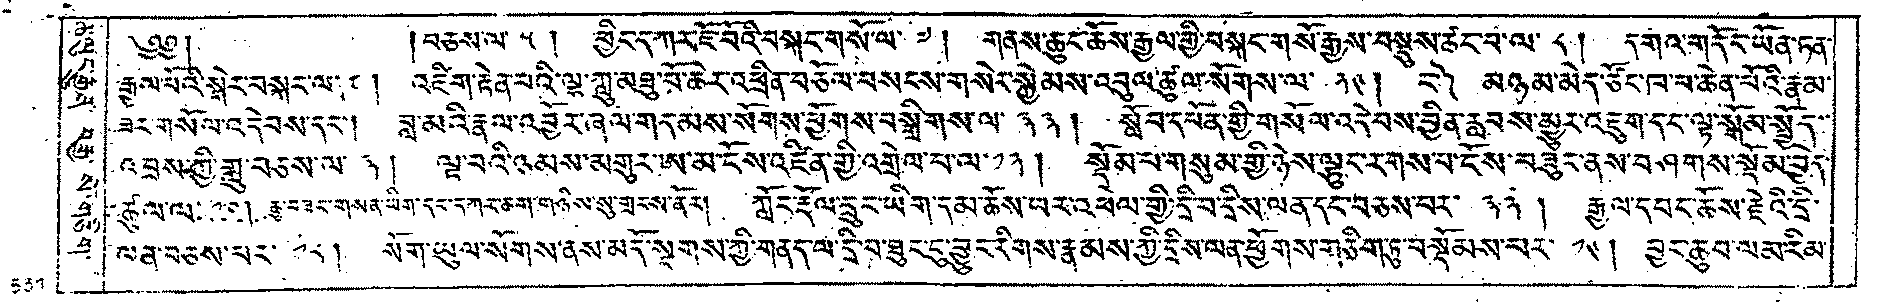༄༅། །བཅས་ལ ༥། ཕྱིང་དཀར་ཇོ་བོའི་བསྐང་གསོ་ལ ༧། གནས་ཆུང་ཆོས་རྒྱལ་གྱི་བསྐང་གསོ་རྒྱས་བསྡུས་ཚང་བ་ལ ༨། དགའ་གདོང་ཡོན་ཏན་
རྒྱལ་པོའི་སྒེར་བསྐང་ལ ༩། འཇིག་རྟེན་པའི་ལྷ་ཀླུ་མཐུ་བོ་ཆེར་འཕྲིན་བཅོལ་བསངས་གསེར་སྐྱེམས་འབུལ་ཚུལ་སོགས་ལ ༢༤། ང྄་མཉམ་མེད་ཙོང་ཁ་པ་ཆེན་པོའི་རྣམ་
ཐར་གསོལ་འདེབས་དང་། བླ་མའི་རྣལ་འབྱོར་ཞལ་གདམས་སོགས་ཕྱོགས་བསྒྲིགས་ལ ༣༣། སློབ་དཔོན་གྱི་གསོལ་འདེབས་བྱིན་རླབས་མྱུར་འཇུག་དང་ལྟ་སྒོམ་སྤྱོད་
འབྲས་ཀྱི་གླུ་བཅས་ལ ༣། ལྟ་བའི་ཉམས་མགུར་ཨ་མ་ངོས་འཛིན་གྱི་འགྲེལ་པ་ལ ༡༢། སྡོམ་པ་གསུམ་གྱི་ཉེས་ལྟུང་རགས་པ་ངོས་བཟུང་ནས་བཤགས་སྡོམ་བྱེད་
ཚུལ་ལ ༡༠། ཆུ་བཟང་གསན་ཡིག་དང་དཀར་ཆག་གཉིས་སུ་གྲངས་ནོར།  ཀློང་རྡོལ་དྲུང་ཡིག་དམ་ཆོས་ཡར་འཕེལ་གྱི་དྲི་བ་དྲིས་ལན་དང་བཅས་པར ༣༢། རྒྱལ་དབང་ཆོས་རྗེའི་དྲི་
ལན་བཅས་པར ༡༨། སོག་ཡུལ་སོགས་ནས་མདོ་སྔགས་ཀྱི་གནད་ལ་དྲི་བ་ཐུང་ངུ་བྱུང་རིགས་རྣམས་ཀྱི་དྲིས་ལན་ཕྱོགས་གཅིག་ཏུ་བསྡོམས་པར ༡༤། བྱང་ཆུབ་ལམ་རིམ་